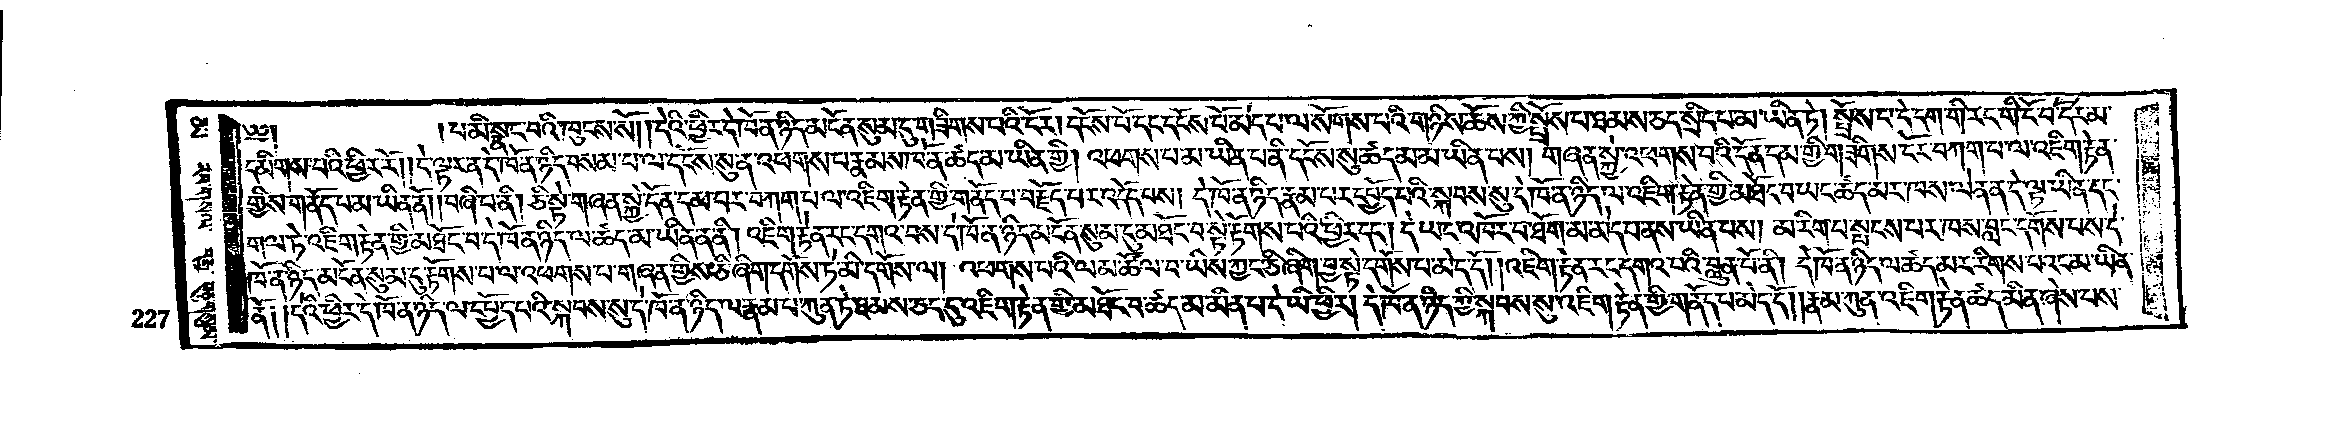༄༅། །པ་མི་སྣང་བའི་ཁུངས་སོ། །དེའི་ཕྱིར་དེ་ཁོ་ན་ཉིད་མངོན་སུམ་དུ་གཟིགས་པའི་ངོར། དངོས་པོ་དང་དངོས་པོ་མེད་པ་ལ་སོགས་པའི་གཉིས་ཆོས་ཀྱི་སྤྲོས་པ་ཐམས་ཅད་སྲིད་པ་མ་ཡིན་ཏེ། སྤྲོས་པ་དེ་དག་གི་རང་གི་ངོ་བོ་དེར་མ་
དམིགས་པའི་ཕྱིར་རོ། །དེ་ལྟར་ན་དེ་ཁོ་ན་ཉིད་བསམ་པ་ལ་དངོས་སུ་ན་འཕགས་པ་རྣམས་ཁོ་ན་ཚད་མ་ཡིན་གྱི། འཕགས་པ་མ་ཡིན་པ་ནི་དངོས་སུ་ཚད་མ་མ་ཡིན་པས། གཞན་སྐྱེ་འཕགས་པའི་དོན་དམ་གྱི་གཟིགས་ངོར་བཀག་པ་ལ་འཇིག་རྟེན་
གྱིས་གནོད་པ་མ་ཡིན་ནོ། །བཞི་པ་ནི། ཅི་སྟེ་གཞན་སྐྱེ་དོན་དམ་པར་བཀག་པ་ལ་འཇིག་རྟེན་གྱི་གནོད་པ་བརྗོད་པར་འདོད་པས། དེ་ཁོ་ན་ཉིད་རྣམ་པར་དཔྱོད་པའི་སྐབས་སུ་དེ་ཁོ་ན་ཉིད་ལ་འཇིག་རྟེན་གྱི་མཐོང་བ་ཡང་ཚད་མར་ཁས་ལེན་ན་དེ་ལྟ་ཡིན་དང་
གལ་ཏེ་འཇིག་རྟེན་གྱི་མཐོང་བ་དེ་ཁོ་ན་ཉིད་ལ་ཚད་མ་ཡིན་ན་ནི། འཇིག་རྟེན་རང་དགའ་བས་དེ་ཁོ་ན་ཉིད་མངོན་སུམ་དུ་མཐོང་བ་སྟེ་རྟོགས་པའི་ཕྱིར་དང་། དེ་ཡང་འཁོར་བ་ཐོག་མ་མེད་པ་ནས་ཡིན་པས། མ་རིག་པ་སྤངས་པར་ཁས་བླང་དགོས་པས་དེ་
ཁོ་ན་ཉིད་མངོན་སུམ་དུ་རྟོགས་པ་ལ་འཕགས་པ་གཞན་གྱིས་ཅི་ཞིག་དགོས་ཏེ་མི་དགོས་ལ། འཕགས་པའི་ལམ་ཚོལ་བ་ཡིས་ཀྱང་ཅི་ཞིག་བྱ་སྟེ་དགོས་པ་མེད་དོ། །འཇིག་རྟེན་རང་དགའ་བའི་བླུན་པོ་ནི། དེ་ཁོ་ན་ཉིད་ལ་ཚད་མར་རིགས་པའང་མ་ཡིན་
ནོ། །དེའི་ཕྱིར་དེ་ཁོ་ན་ཉིད་ལ་དཔྱོད་པའི་སྐབས་སུ་དེ་ཁོ་ན་ཉིད་ལ་རྣམ་པ་ཀུན་ཏེ་ཐམས་ཅད་དུ་འཇིག་རྟེན་གྱི་མཐོང་བ་ཚད་མ་མིན་པ་དེ་ཡི་ཕྱིར། དེ་ཁོ་ན་ཉིད་ཀྱི་སྐབས་སུ་འཇིག་རྟེན་གྱི་གནོད་པ་མེད་དོ། །རྣམ་ཀུན་འཇིག་རྟེན་ཚད་མིན་ཞེས་པས་